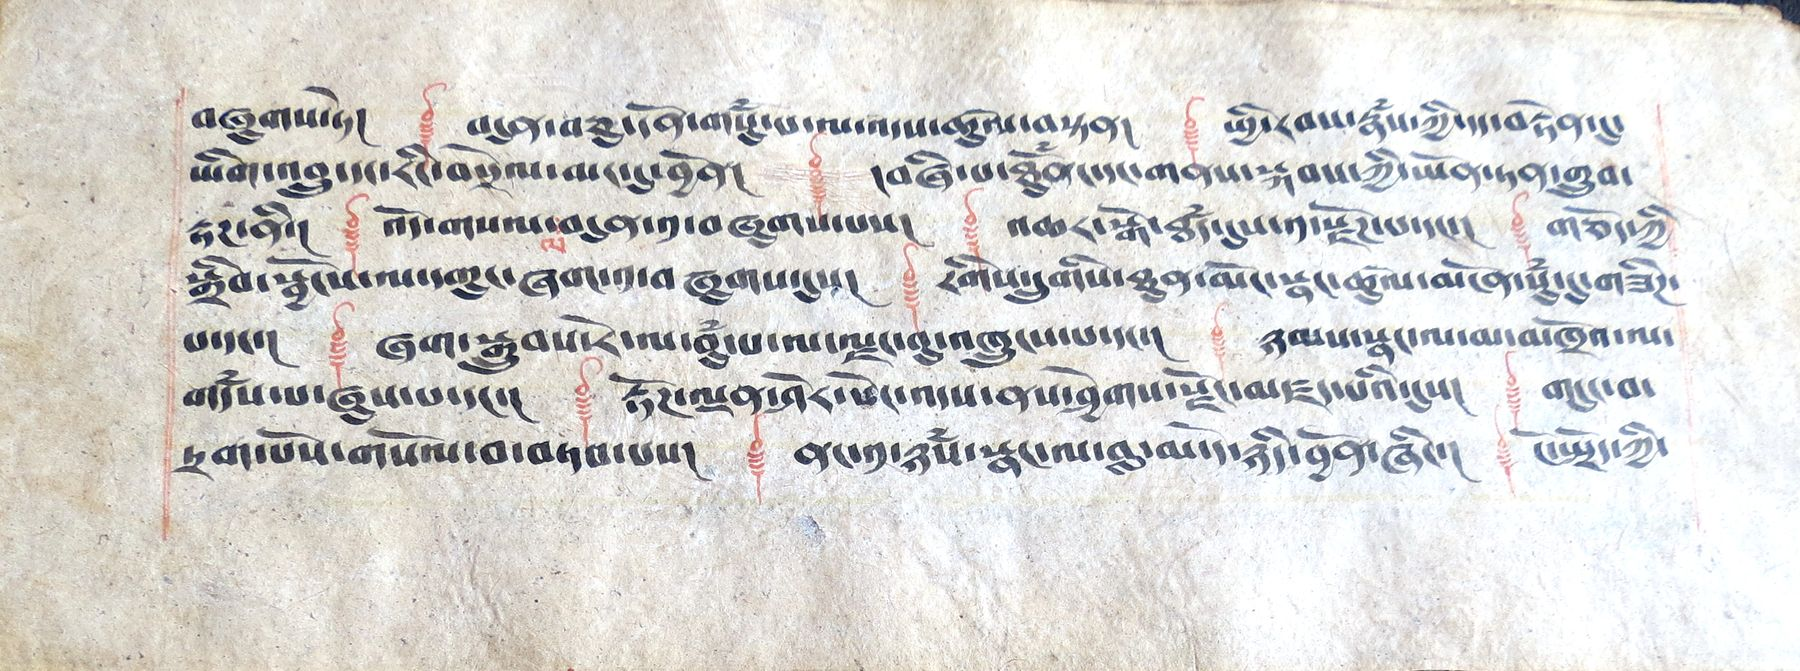བཞུགས་ཏེ། བདུན་ཅུ་དོན་གསུམ་ལ་འདས་ཚུལ་བསྟན། ཕྱི་རབས་རྣམས་ཀྱི་དད་རྟེན་དུ་
ཡིག་འབྲུ་དང་རིང་བསྲེལ་མང་དུ་བྱོན། ། བཞི་པ་ཐུན་མོང་དང་གནས་སྐབས་ཀྱི་ཡོན་ཏན་གྲུབ་
རྟགས་ནི། འོད་གསལ་བདུན་གཅིག་བཞུགས་པས། འཆར་སྒོ་ཐམས་ཅད་དུས་གཅིག་ལ་རྫོགས་པ་དང་། གཅོད་ཀྱི་
སྒྲིབ་སྦྱོང་ལ་དགུང་ཞག་གཅིག་བཞུགས་དུས། རིགས་དྲུག་གི་ཐུན་མོང་སྣང་ཚུལ་མངོན་སུམ་དུ་གཟིགས་
པ་དང་། སྒྲུབ་ཞག་རེ་ལ་བུམ་པ་ལ་ལྗང་བུ་འཁྲུངས་པ་དང་། ཉམས་སྣང་ལ་མཁའ་འགྲོ་ལས་
གདམས་པ་ཞུས་པ་དང་། རྟོགས་ལྡན་ཤེར་སེང་ལས་གཤེགས་རྫོང་མཛད་པའི་དུས། གདུང་བ་
དྲག་པོས་གསོལ་བ་བཏབ་པས། ནང་གཅིག་ཉམས་སྣང་ལ་བླ་མ་དེ་ཉིད་བྱོན་ཞིང་། ངོ་སྤྲོད་ཀྱི་